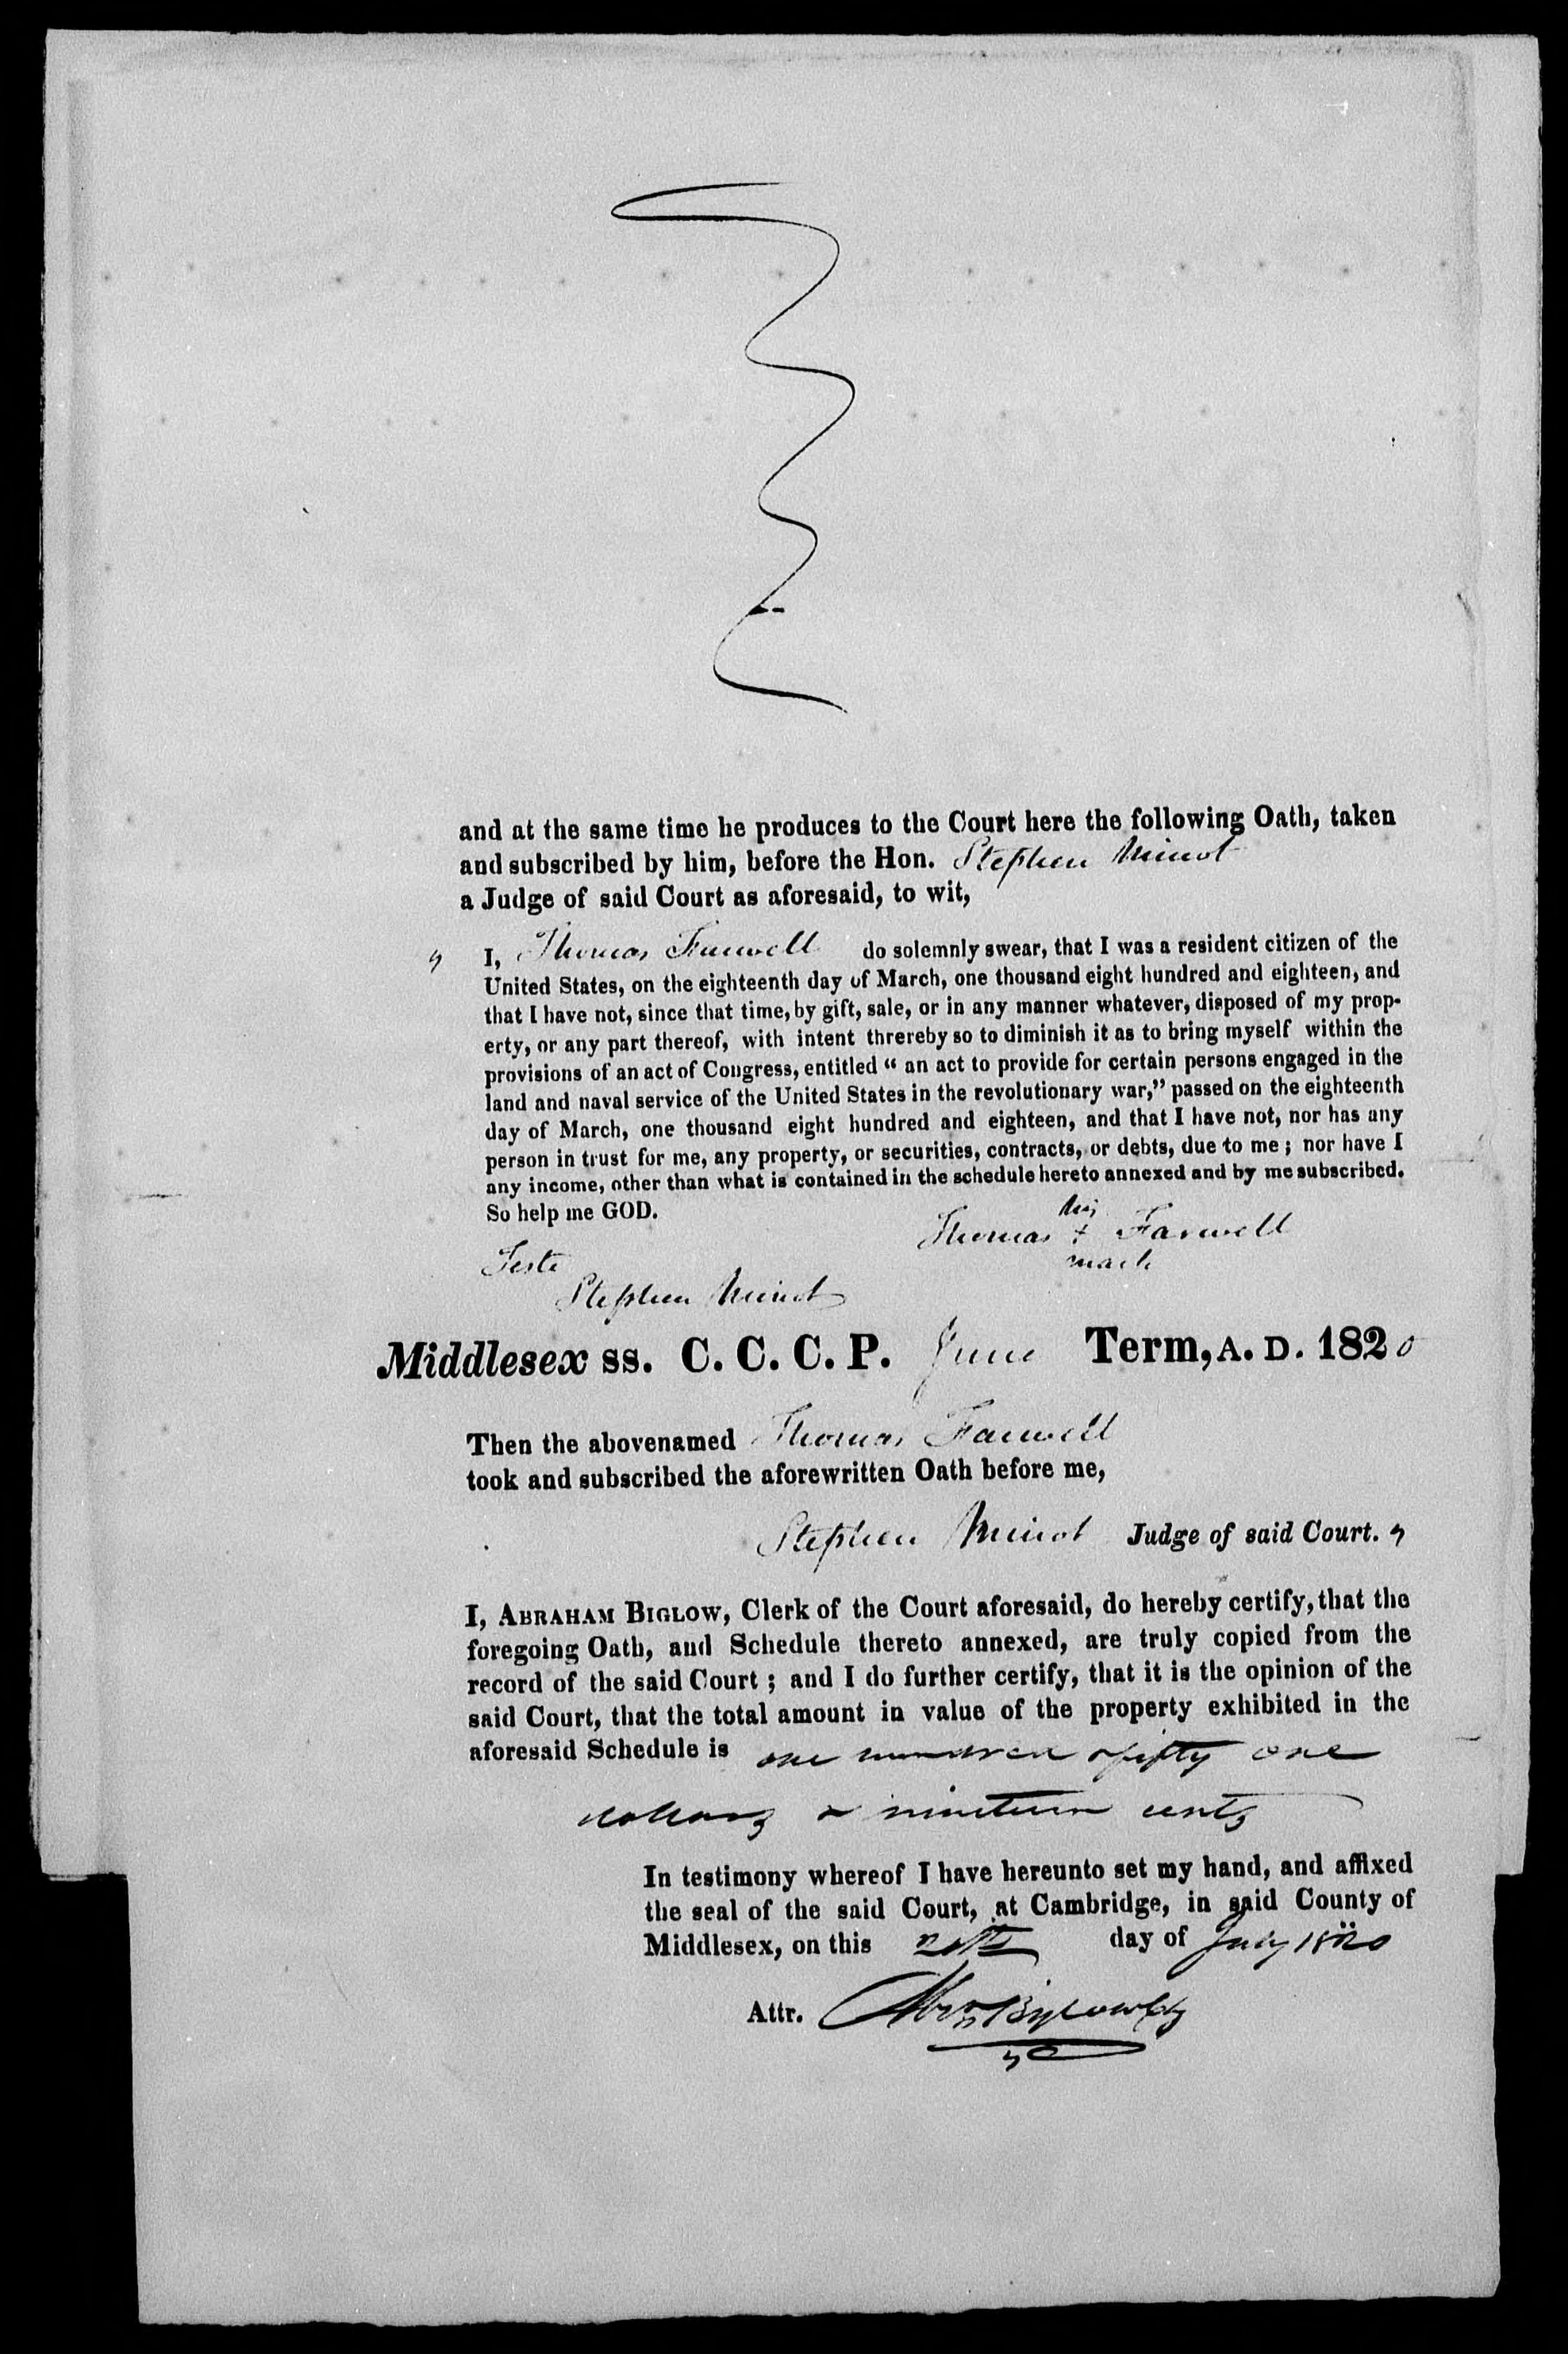and at the same time he produces to the Court here the following Oath, taken and subscribed by him, before the Hon. Stephen Minot a Judge of said Court as aforesaid, to wit,
I, Thomas Farwell do solemnly swear, that I was a resident citizen of the United States, on the eighteenth day of March, one thousand eight hundred and eighteen, and that I have not, since that time, by gift, sale, or in any manner whatever, disposed of my property, or any part thereof, with intent threreby so to diminish it as to bring myself within the provisions of an act of Congress, entitled "an act to provide for certain persons engaged in the land and naval service of the United States in the revolutionary war,” passed on the eighteenth day of March, one thousand eight hundred and eighteen, and that I have not, nor has any person in trust for me, any property, or securities, contracts, or debts, due to me; nor have I any income, other than what is contained in the schedule hereto annexed and by me subscribed.
So help me GOD.

[illegible] Thomas [illegible] Farwell
Stephen Minot

Middlesex ss. C. C. C. P. June Term, A. D. 1820
Then the abovenamed Thomas Farwell took and subscribed the aforewritten Oath before me,
Stephen Minot Judge of said Court.

I, ABRAHAM BIGLOW, Clerk of the Court aforesaid, do hereby certify, that the foregoing Oath, and Schedule thereto annexed, are truly copied from the record of the said Court; and I do further certify, that it is the opinion of the said Court, that the total amount in value of the property exhibited in the aforesaid Schedule is one hundred fifty one dollars & nineteen cents
In testimony whereof I have hereunto set my hand, and affixed the seal of the said Court, at Cambridge, in said County of Middlesex, on this [illegible] day of July 1820
Attr. Abraham Biglowcy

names: Thomas Farwell, Stephen Minot, Thomas Farwell, Abrm Biglow, Abraham Biglow, Thomas Farwell, Stephen Minot, Stephen Minot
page: 10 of 18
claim: survivor's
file: S. 34,831, Thomas Farwell, Conn.